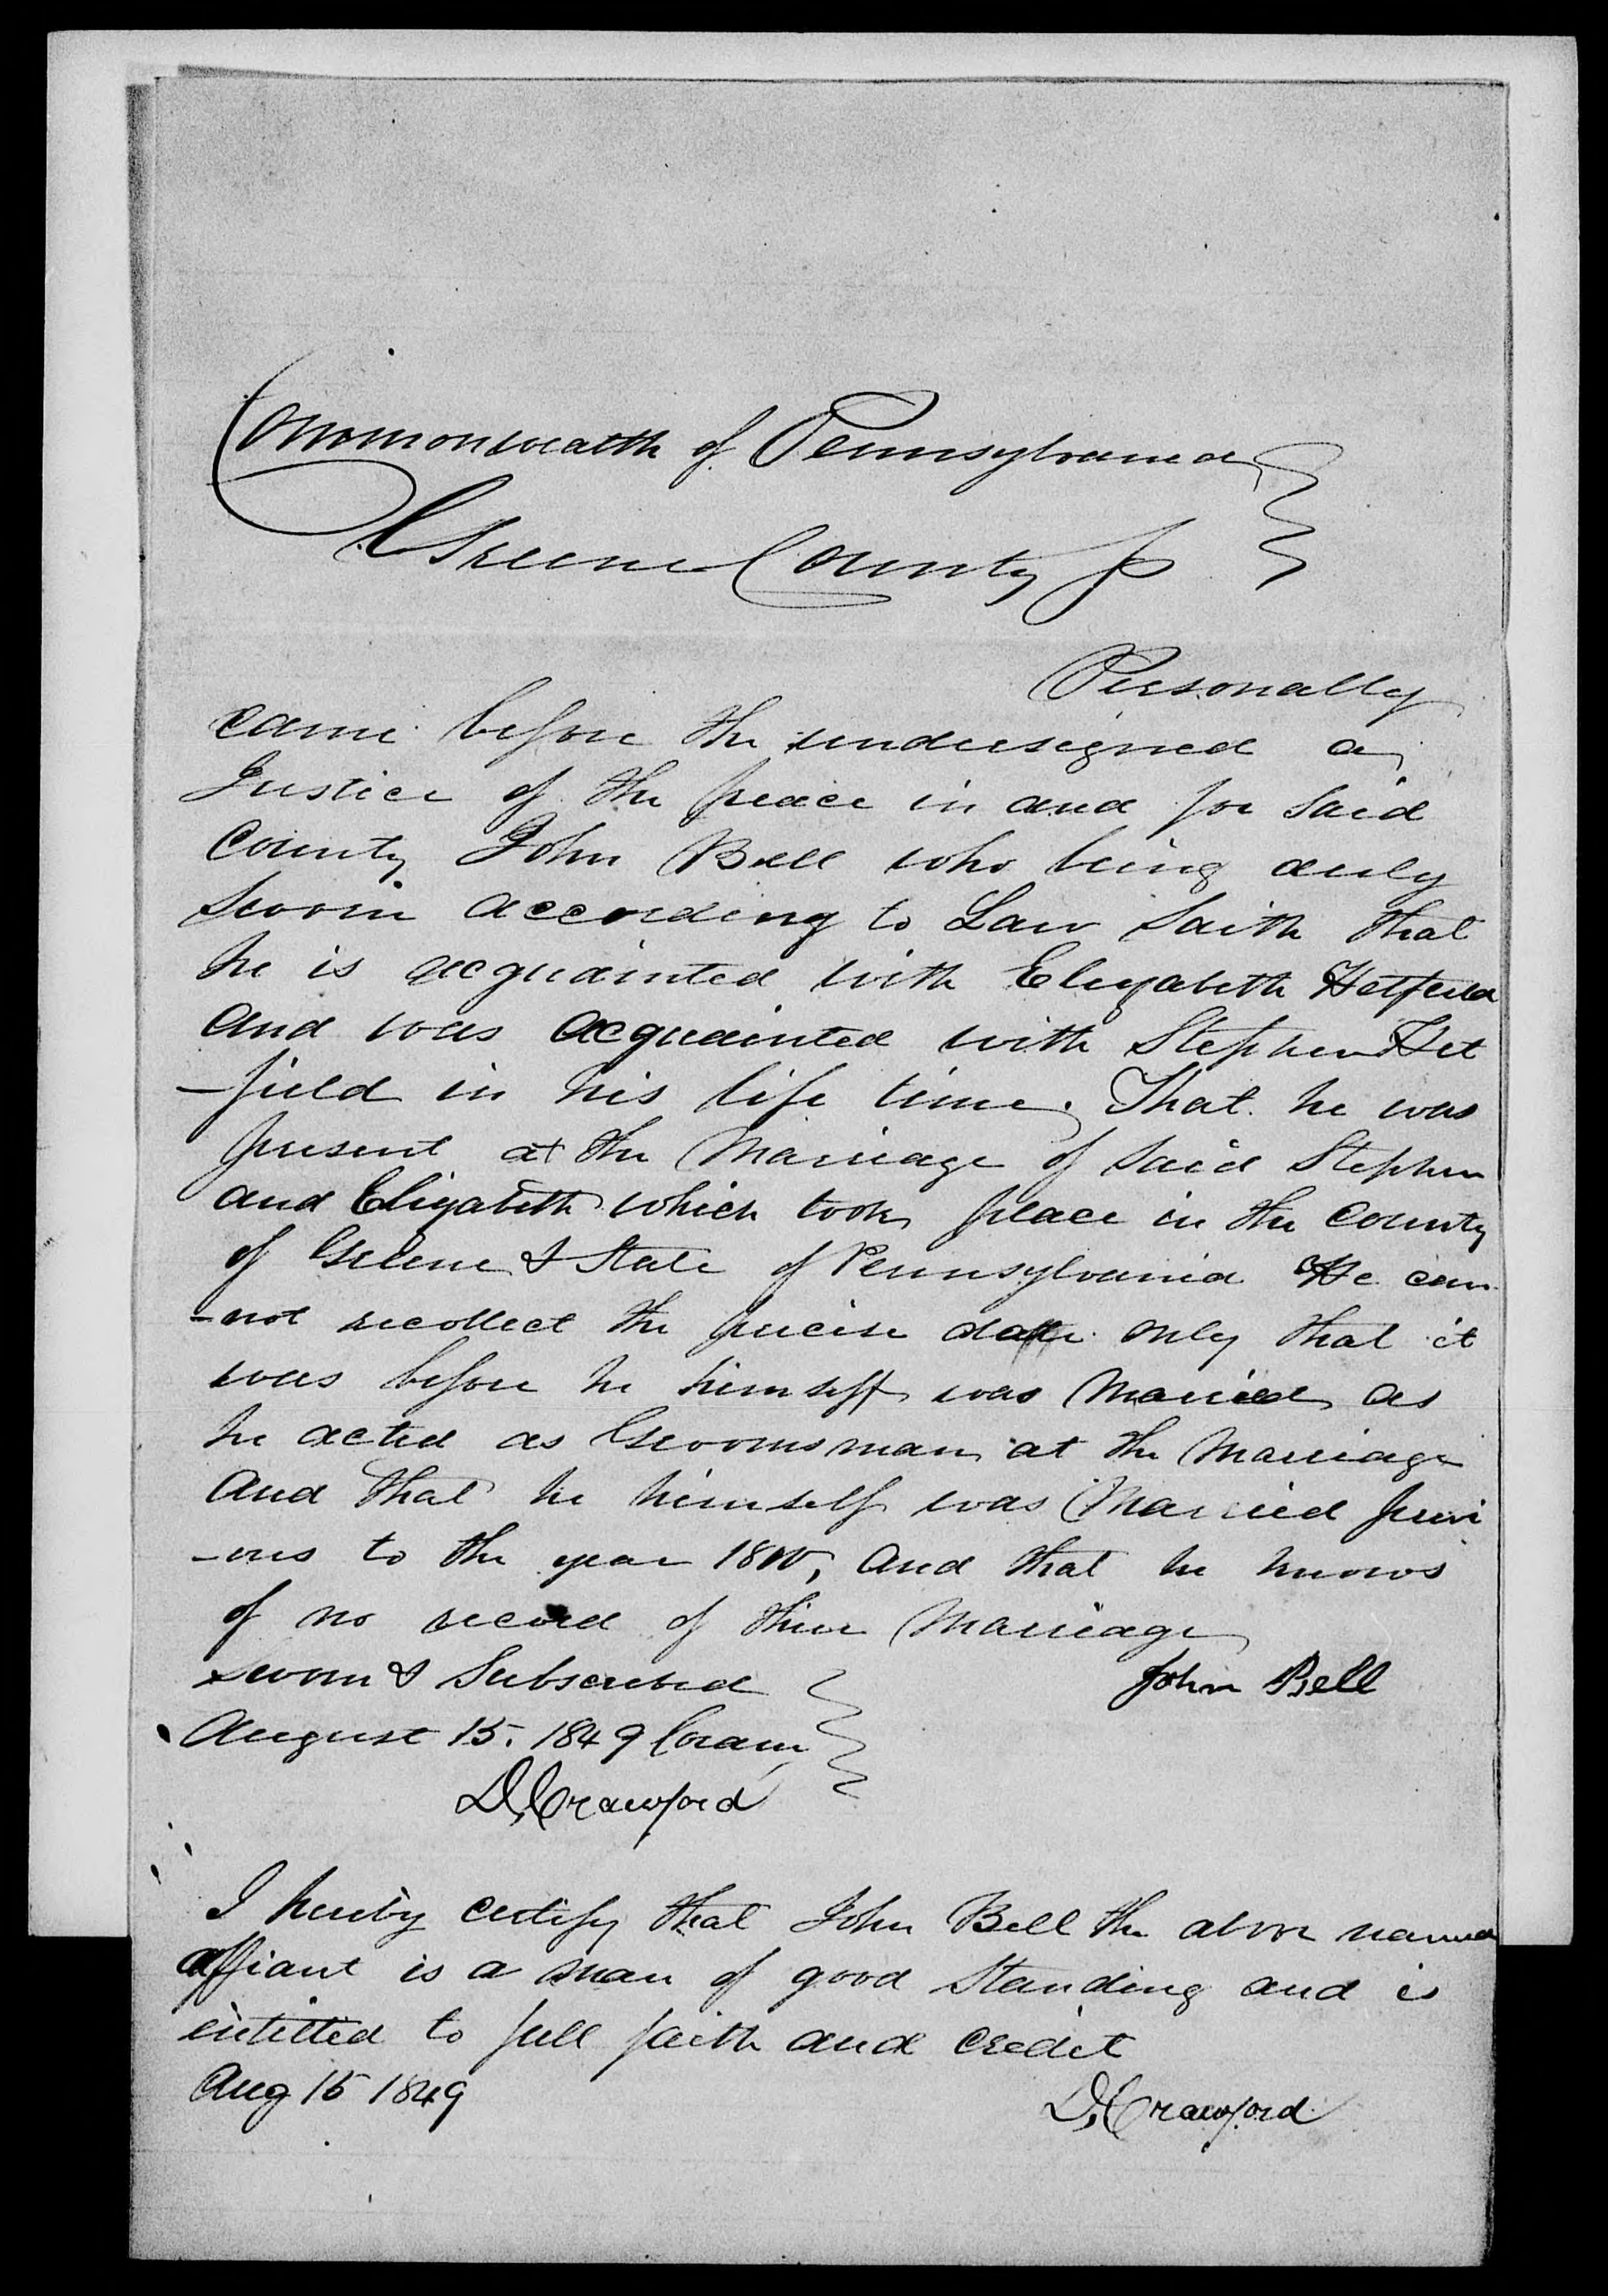Commonwealth of Pennsylvania
Greene County [illegible]

Personally
came before the undersigned a
Justice of the peace in and for said
County John Bell who being duly
Sworn according to Law saith that
he is acquainted with Elizabeth Hetfield
and was acquainted with Stephen
Hetfield in his life time. That he was
present at the Marriage of said Stephen
and Elizabeth which took place in the county
of Greene & State of Pennsylvania. He
cannot recollect the precise date only that it
was before he himself was married as
he acted as Groomsman at the Marriage
and that he himself was married previous
to the year 1800, and that he knows
of no record of their Marriage

Sworn & Subscribed
August 15, 1849  Coram [see comment]
D. Crawford

John Bell

I hereby certify that John Bell the above named
affiant is a man of good standing and is
entitled to full faith and credit
August 15, 1849

D. Crawford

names: Elizabeth, John Bell, Stephen Hetfield, John Bell, D Crawford, Stephen, Elizabeth Hetfield, D Crawford, John Bell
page: 32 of 45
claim: widow's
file: W. 2734, Stephen Hetfield, New Jersey